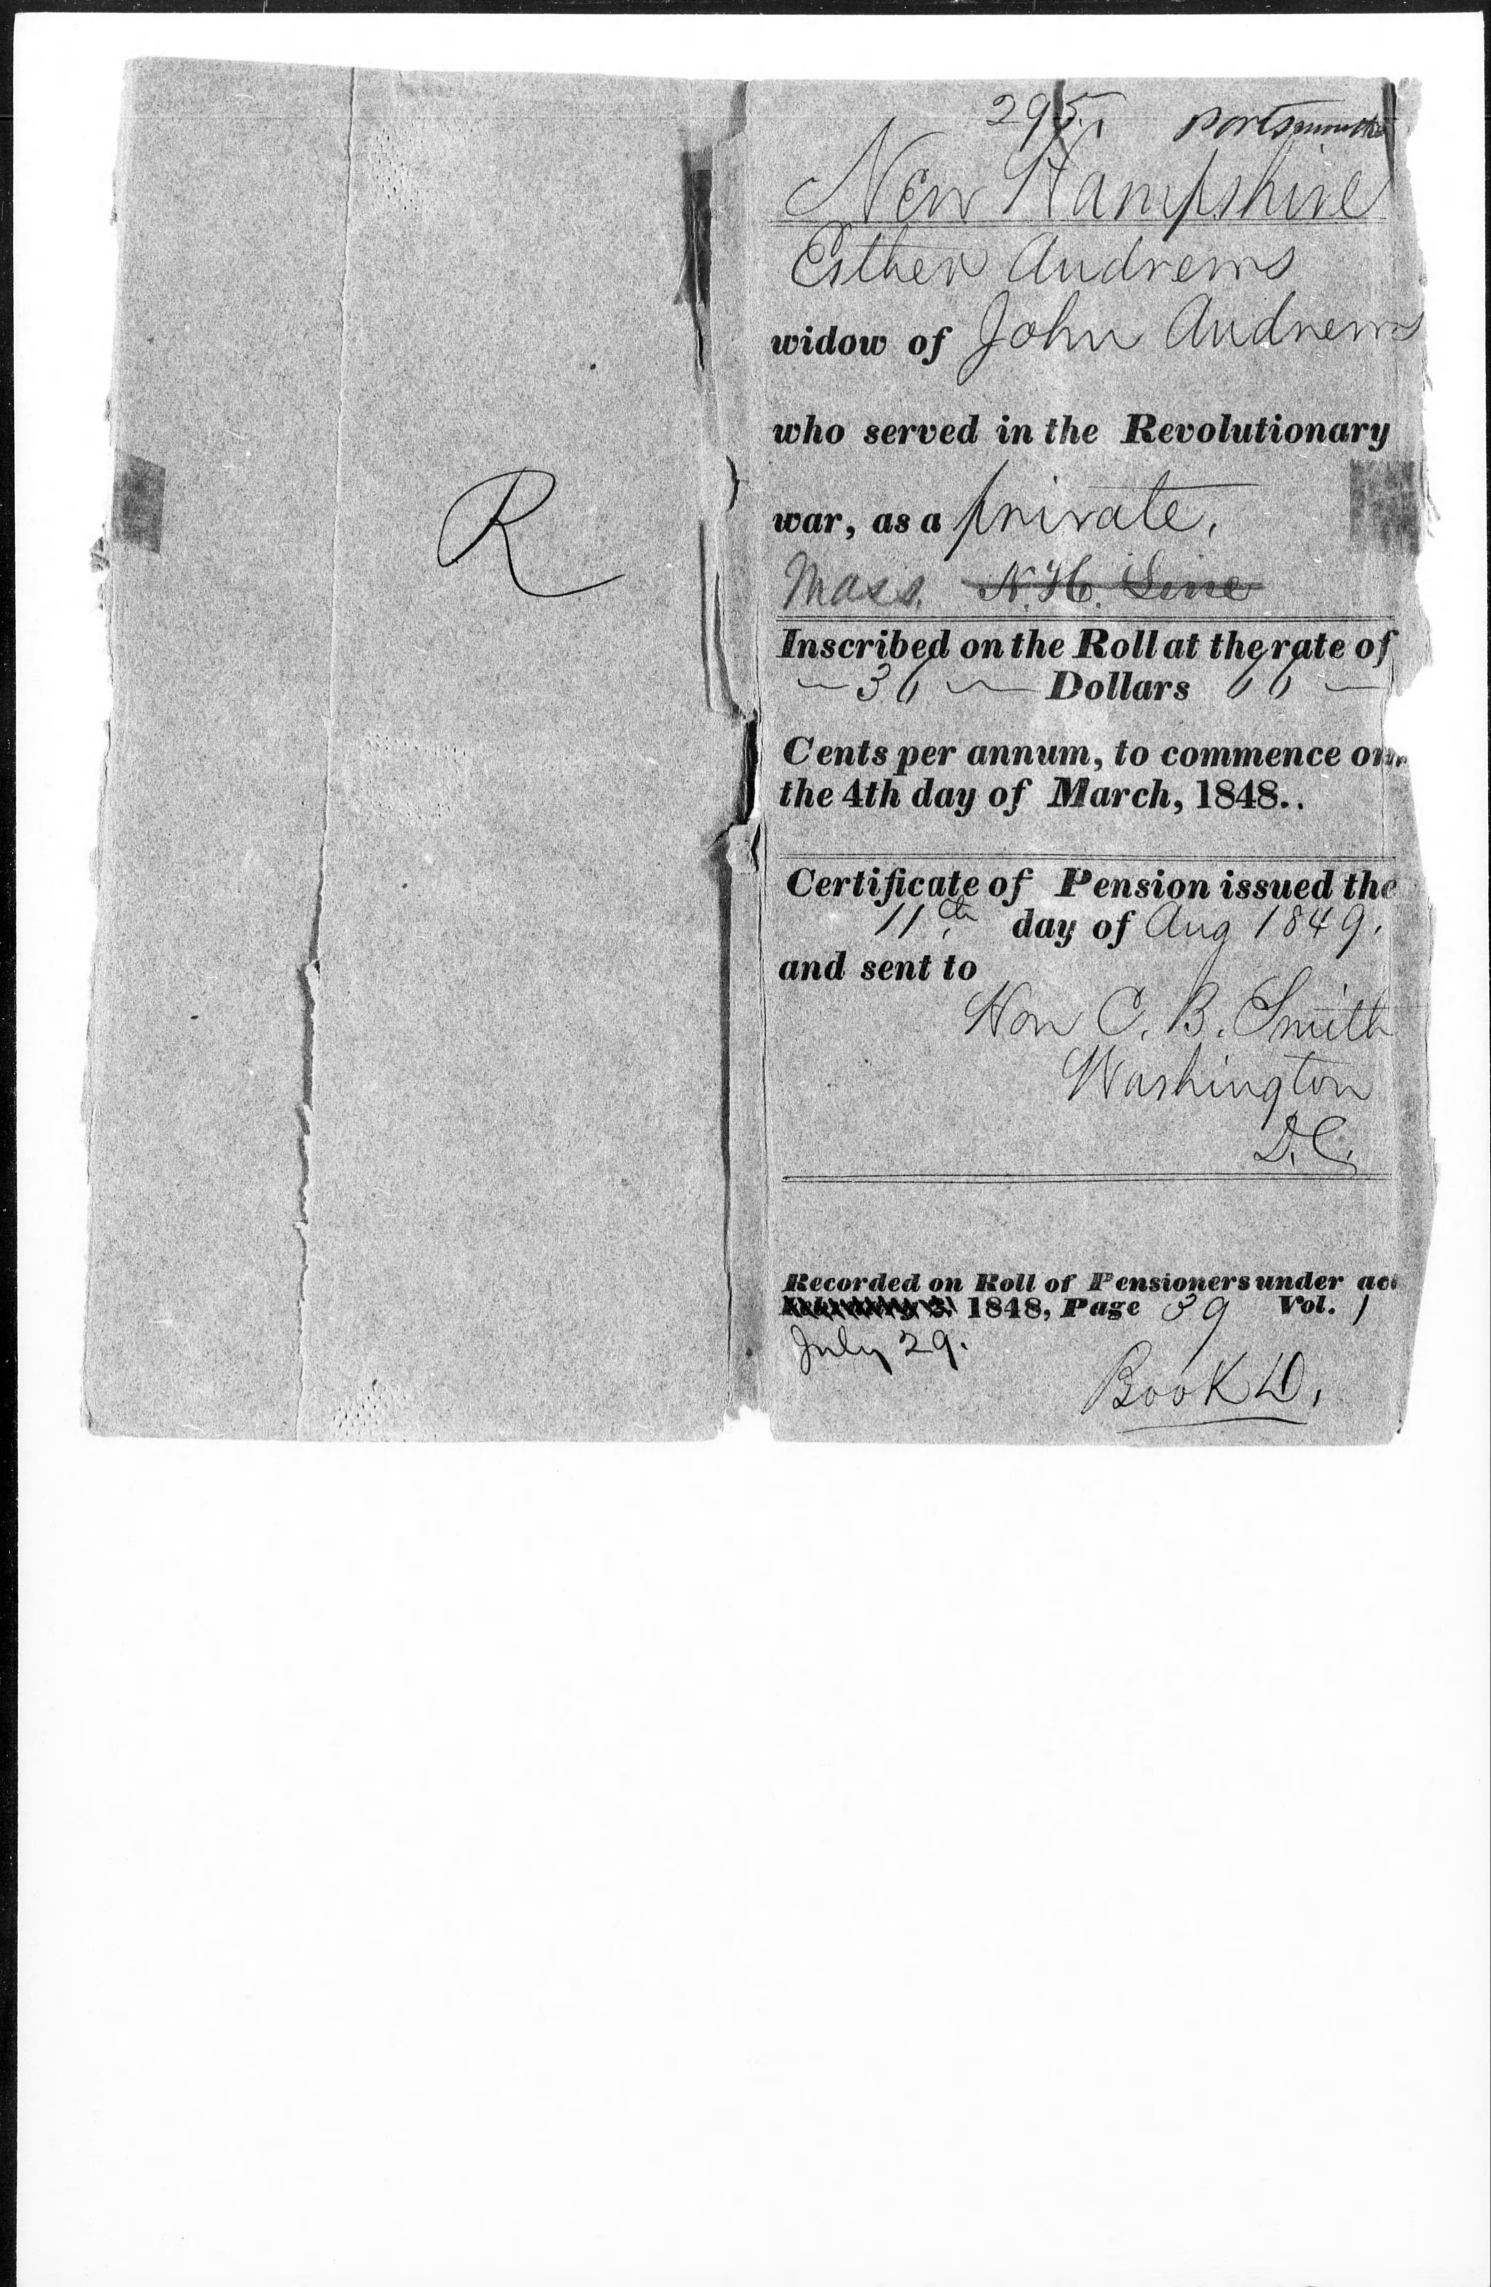295                              Portsmouth

New Hampshire

Esther Andrews

Widow of John Andrews

Who served in the Revolutionary War
as a private, Mass. 

Inscribed on the Roll at the rate of 36 Dollars 66 cents per annum, to commence on the 4th day of March, 1848. 

Certificate of Pension issued the 11th day of Aug. 1849. 

And sent to 

                                     Hon. C.B. Smith
                                     Washington, D.C.

recorded on roll of Pensioners under act July 29, 1848, Page 39, Vol. 1

Book D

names: Esther Andrews, C B Smith, John Andrews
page: 8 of 23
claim: widow's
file: W. 1693, John Andrews, Mass.